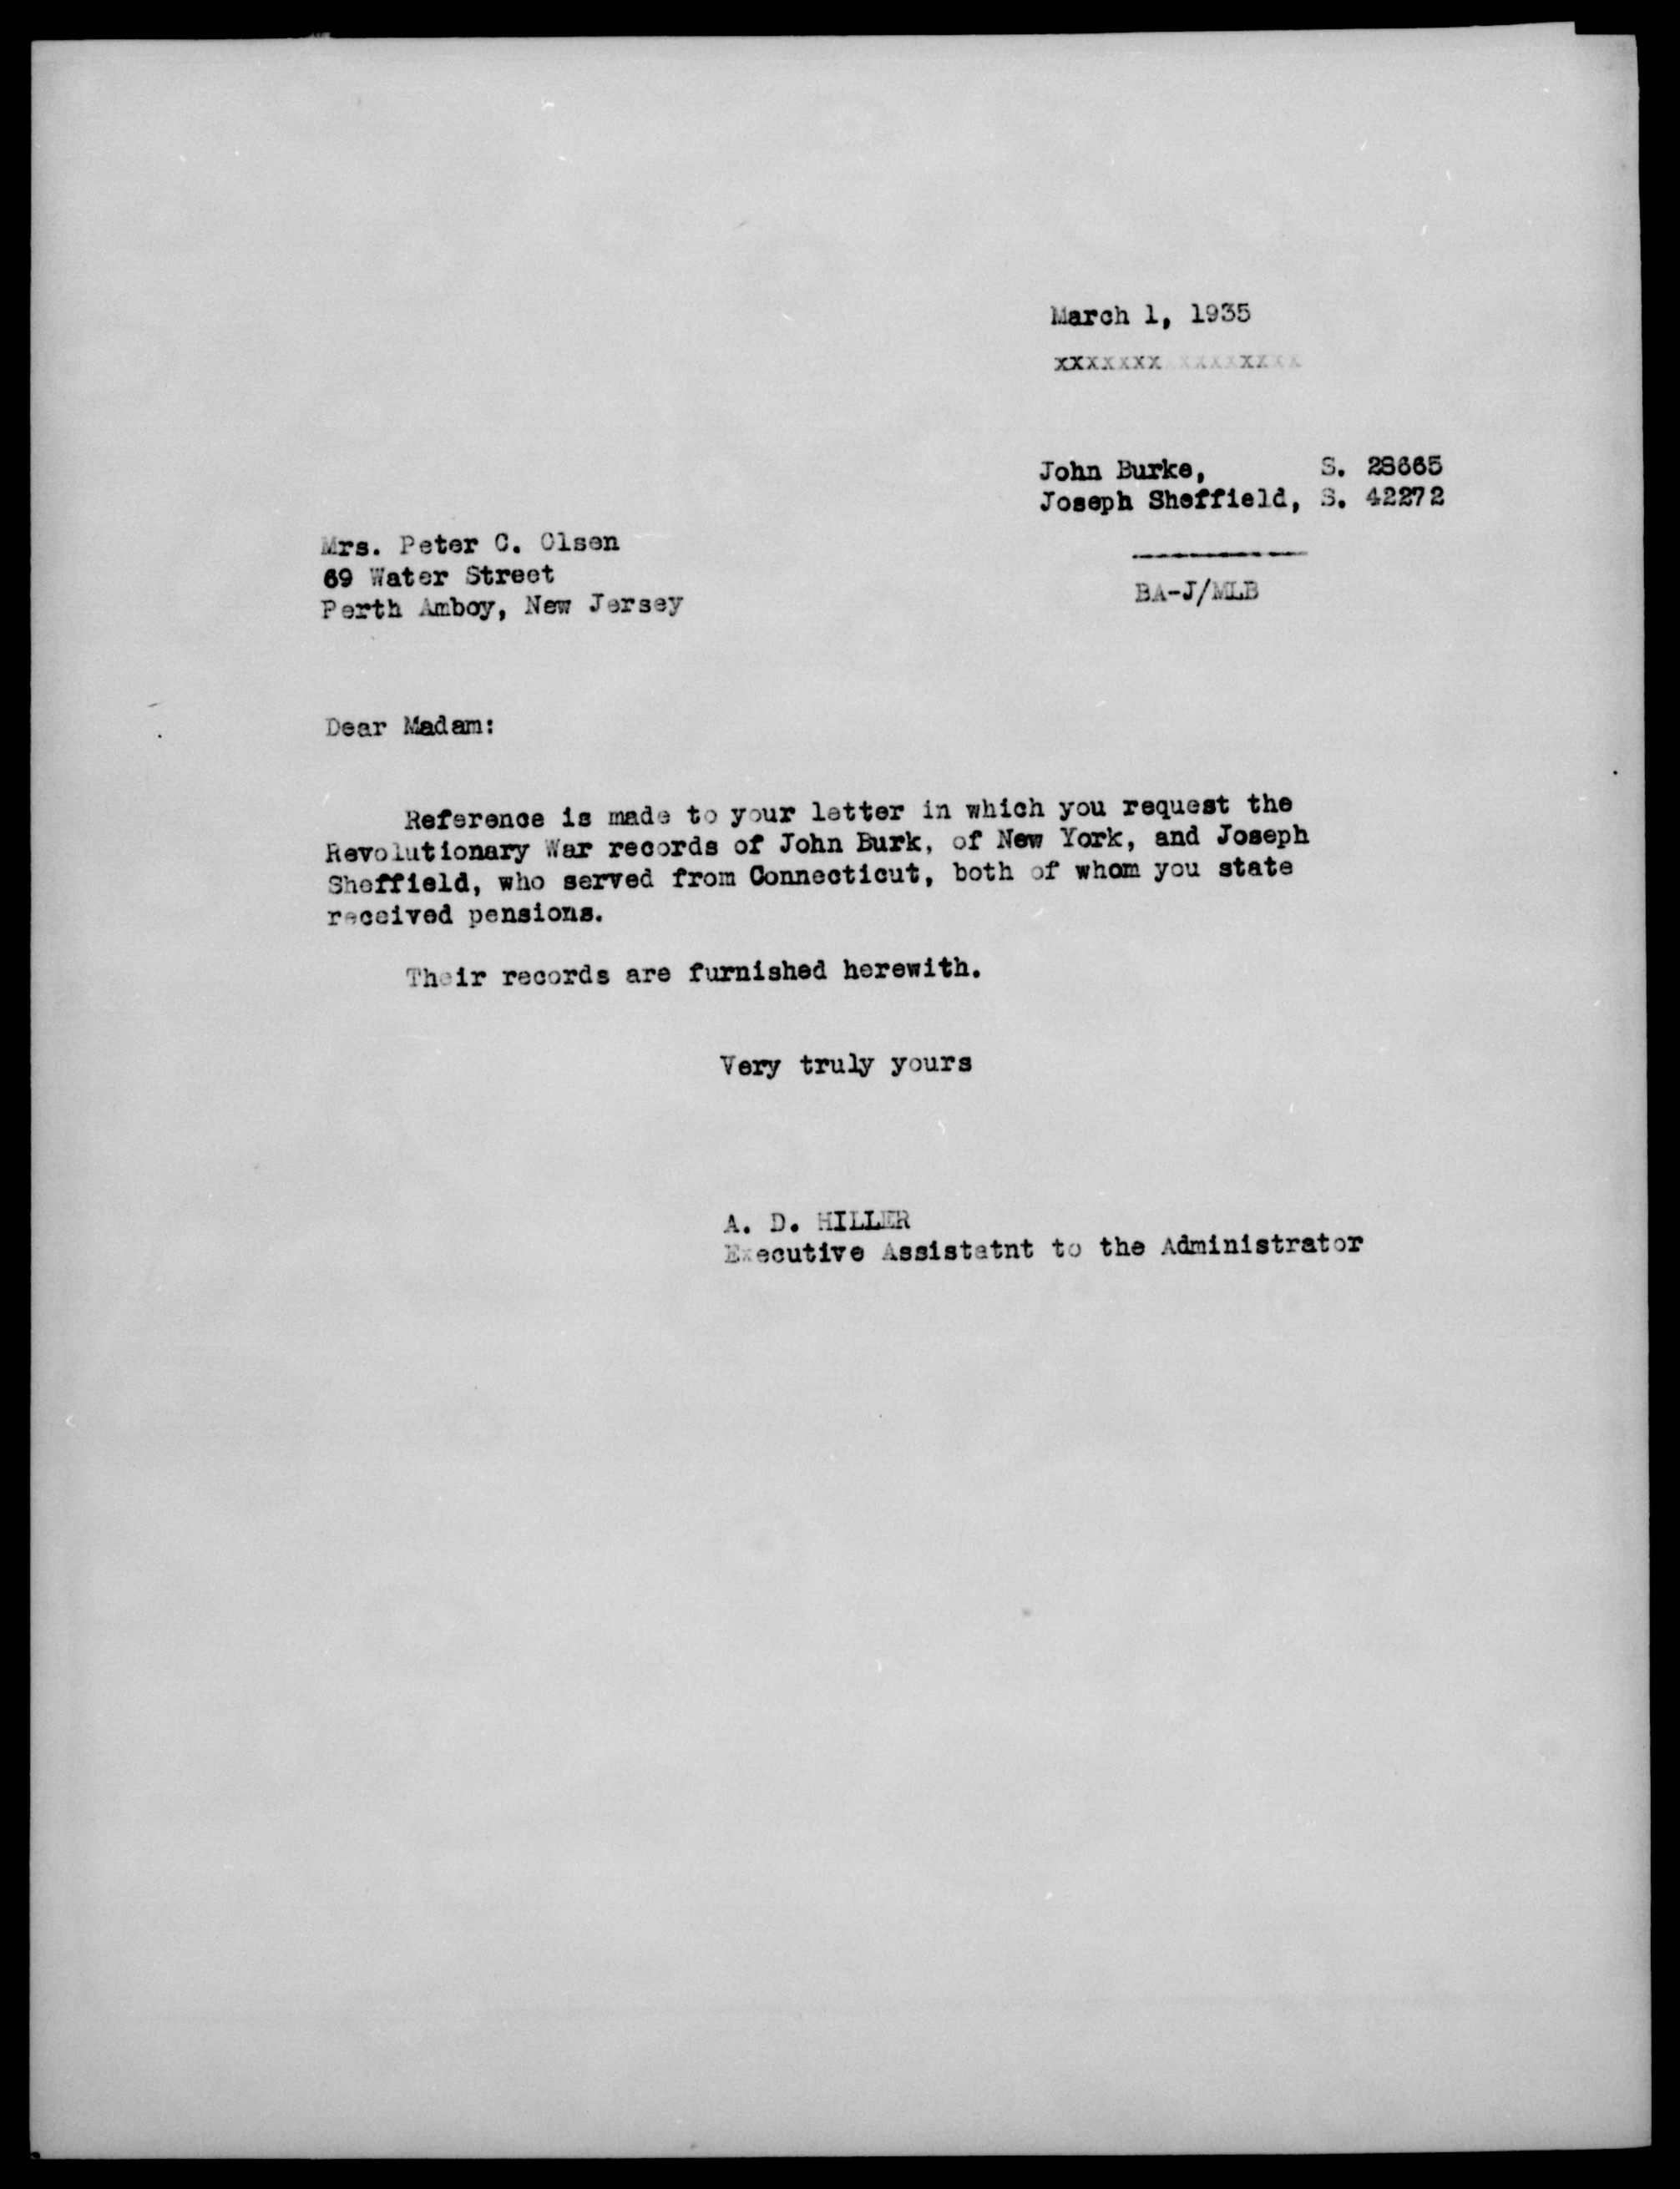March 1, 1935
XXXXXXXXXXXX
John Burke,
S. 28665
Joseph Sheffield, S. 42272
BA-J/MLB

Mrs. Peter C. Olsen
69 Water Street
Perth Amboy, New Jersey

Dear Madam:
Reference is made to your letter in which you request the
Revolutionary War records of John Burk, of New York, and Joseph
Sheffield, who served from Connecticut, both of whom you state
received pensions.

Their records are furnished herewith.

Very truly yours
A. D. HILLER
Executive Assistant to the Administrator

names: John Burke; Joseph Sheffield; A D Hiller; John Burk; Joseph Sheffield; Peter C Olsen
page: 21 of 25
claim: survivor's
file: S. 42,272, for Joseph Sheffield, Connecticut